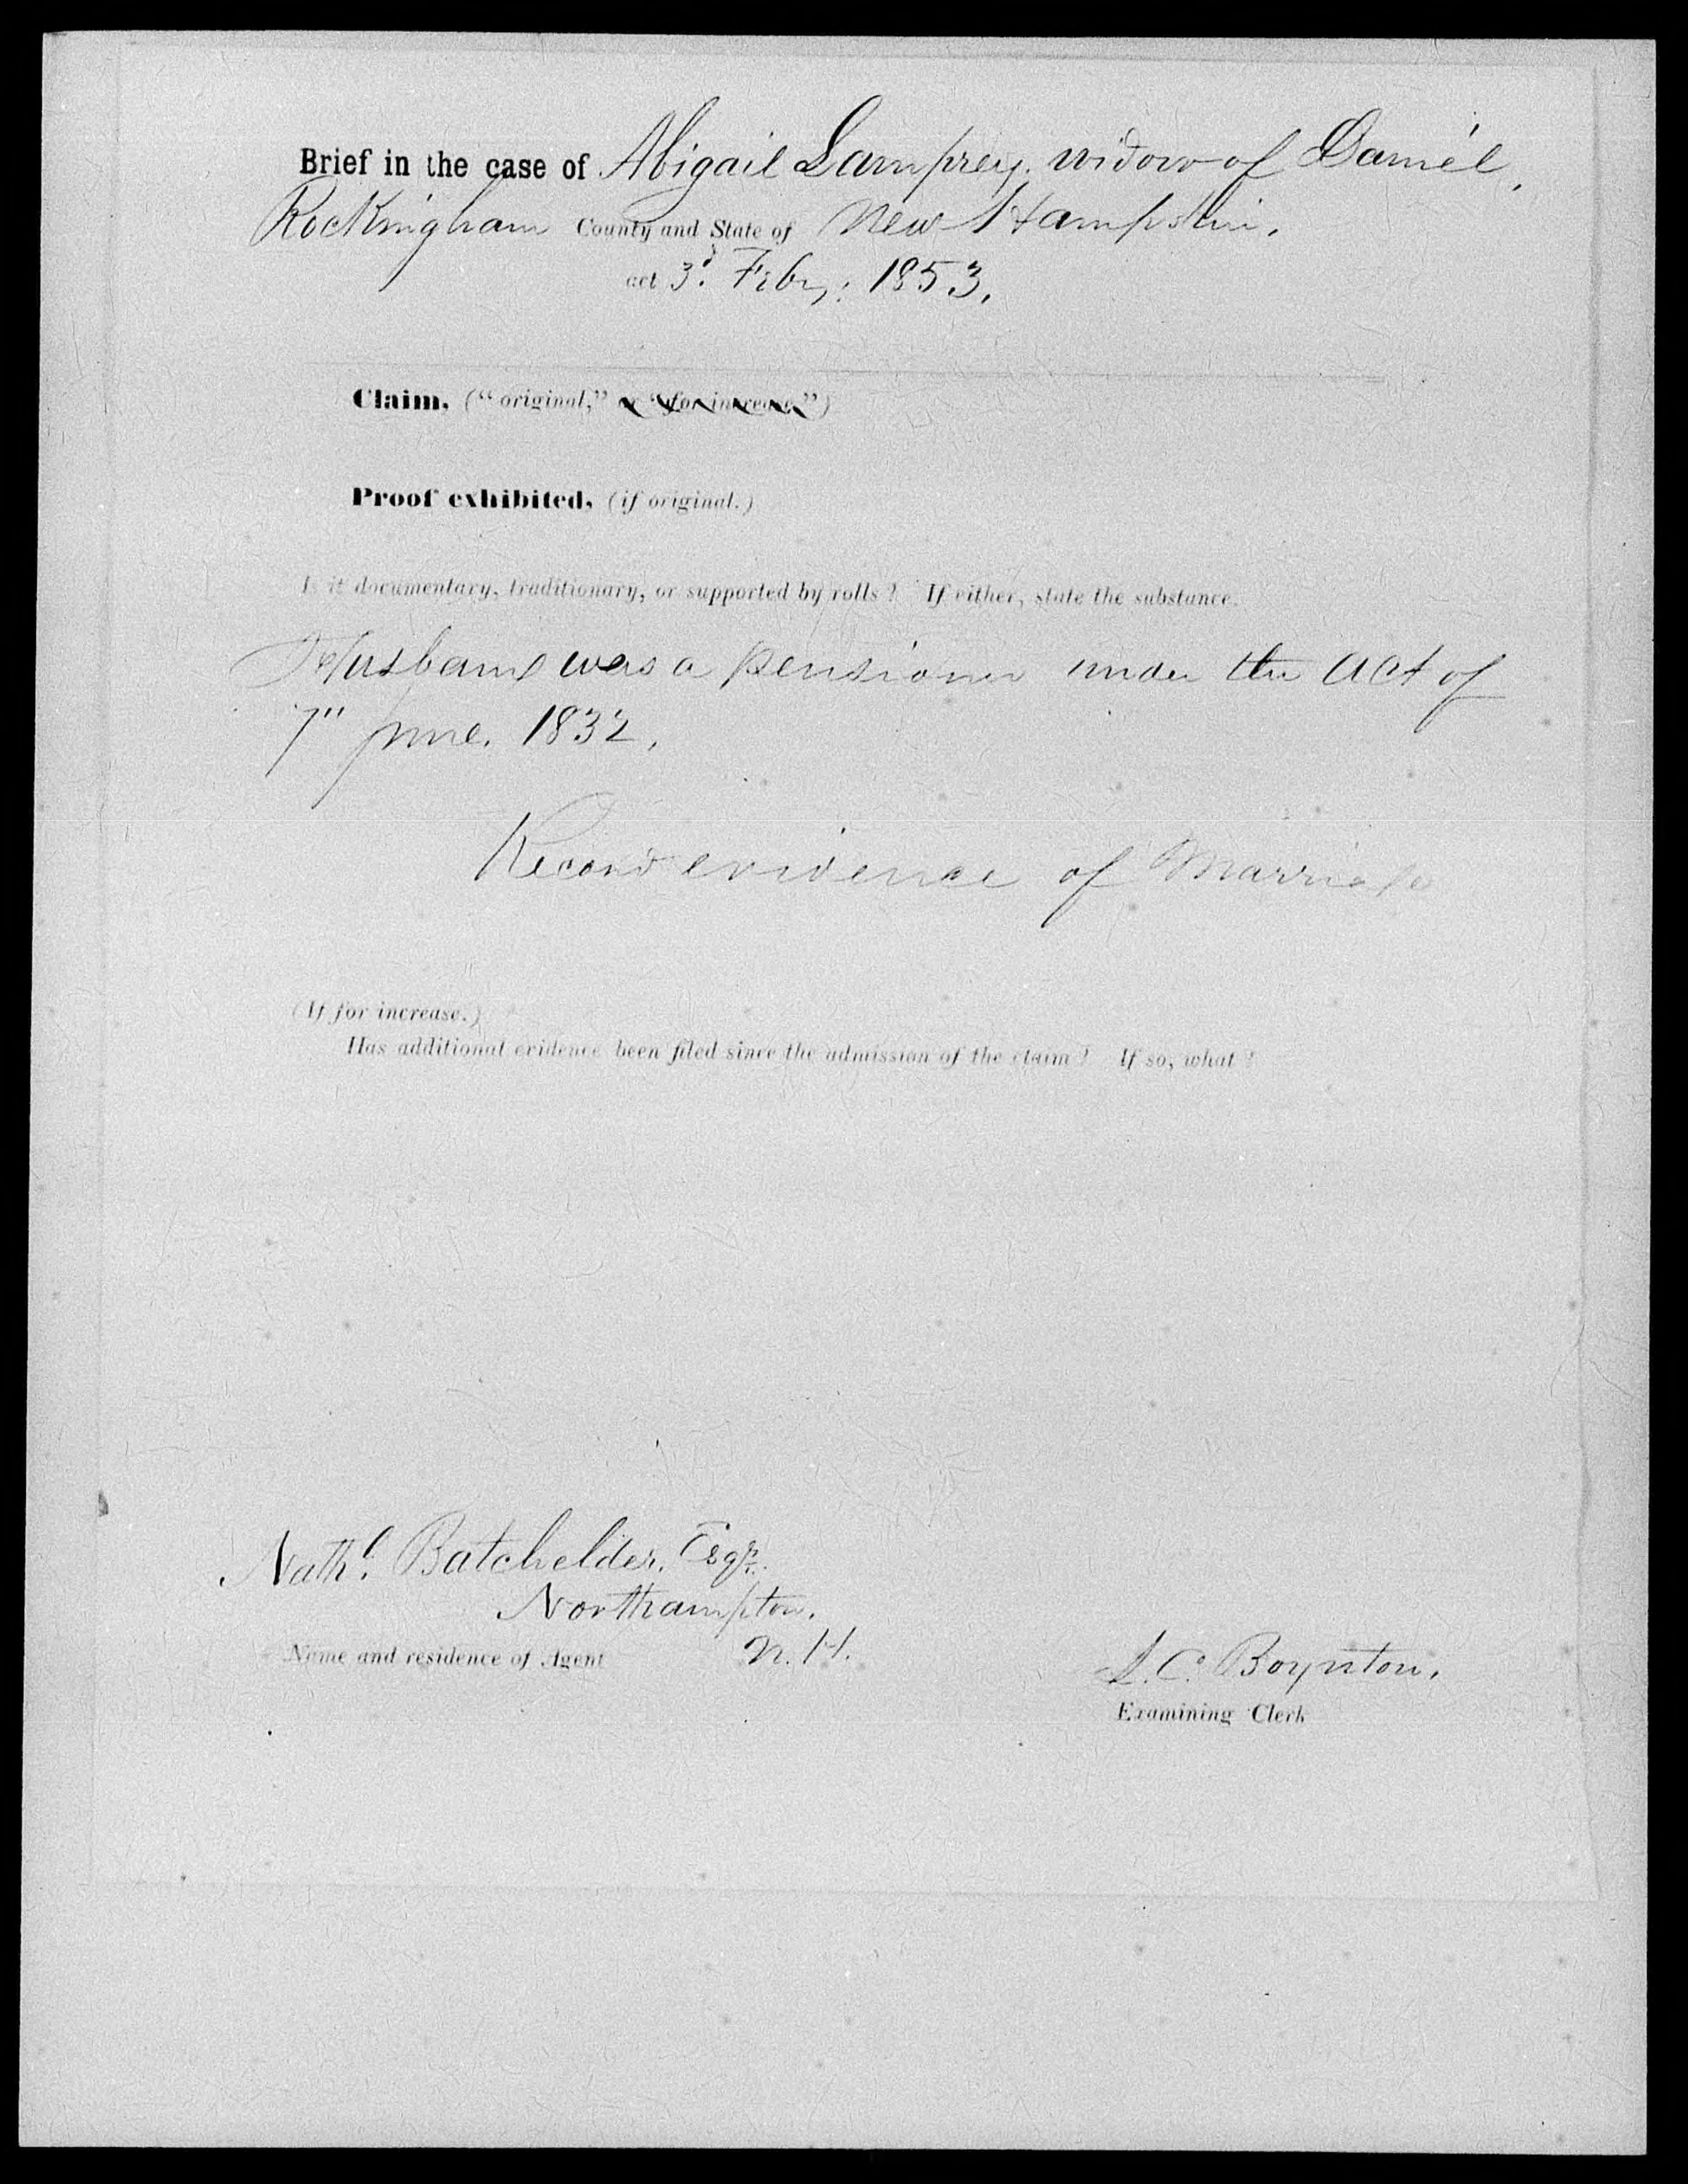Brief in the case of Abigail Lamprey, widow of Daniel Rockingham County and State of New Hampshire, act 3d Feby: 1853,
Claim, (original,")
Proof exhibited, (if original.)
Is It documentary, traditionary, or supported by rolls? If either, state the substance
Husband was a pensioner under the act of
7th June 1832.
Record evidence of Marriage
(If for increase.)
Has additional evidence been filed since the admission of the claim? If so, what?

Nathl [NATHANIEL] Batchelder, Esqr
Northampton, N.H.
Name and residence of Agent

J.C. Boynton,
Examining Clerk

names: Nathl Batchelder; Daniel Lamprey; J C Boynton; Abigail Lamprey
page: 50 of 53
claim: widow's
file: W. 492, for Daniel Lamprey, New Hampshire